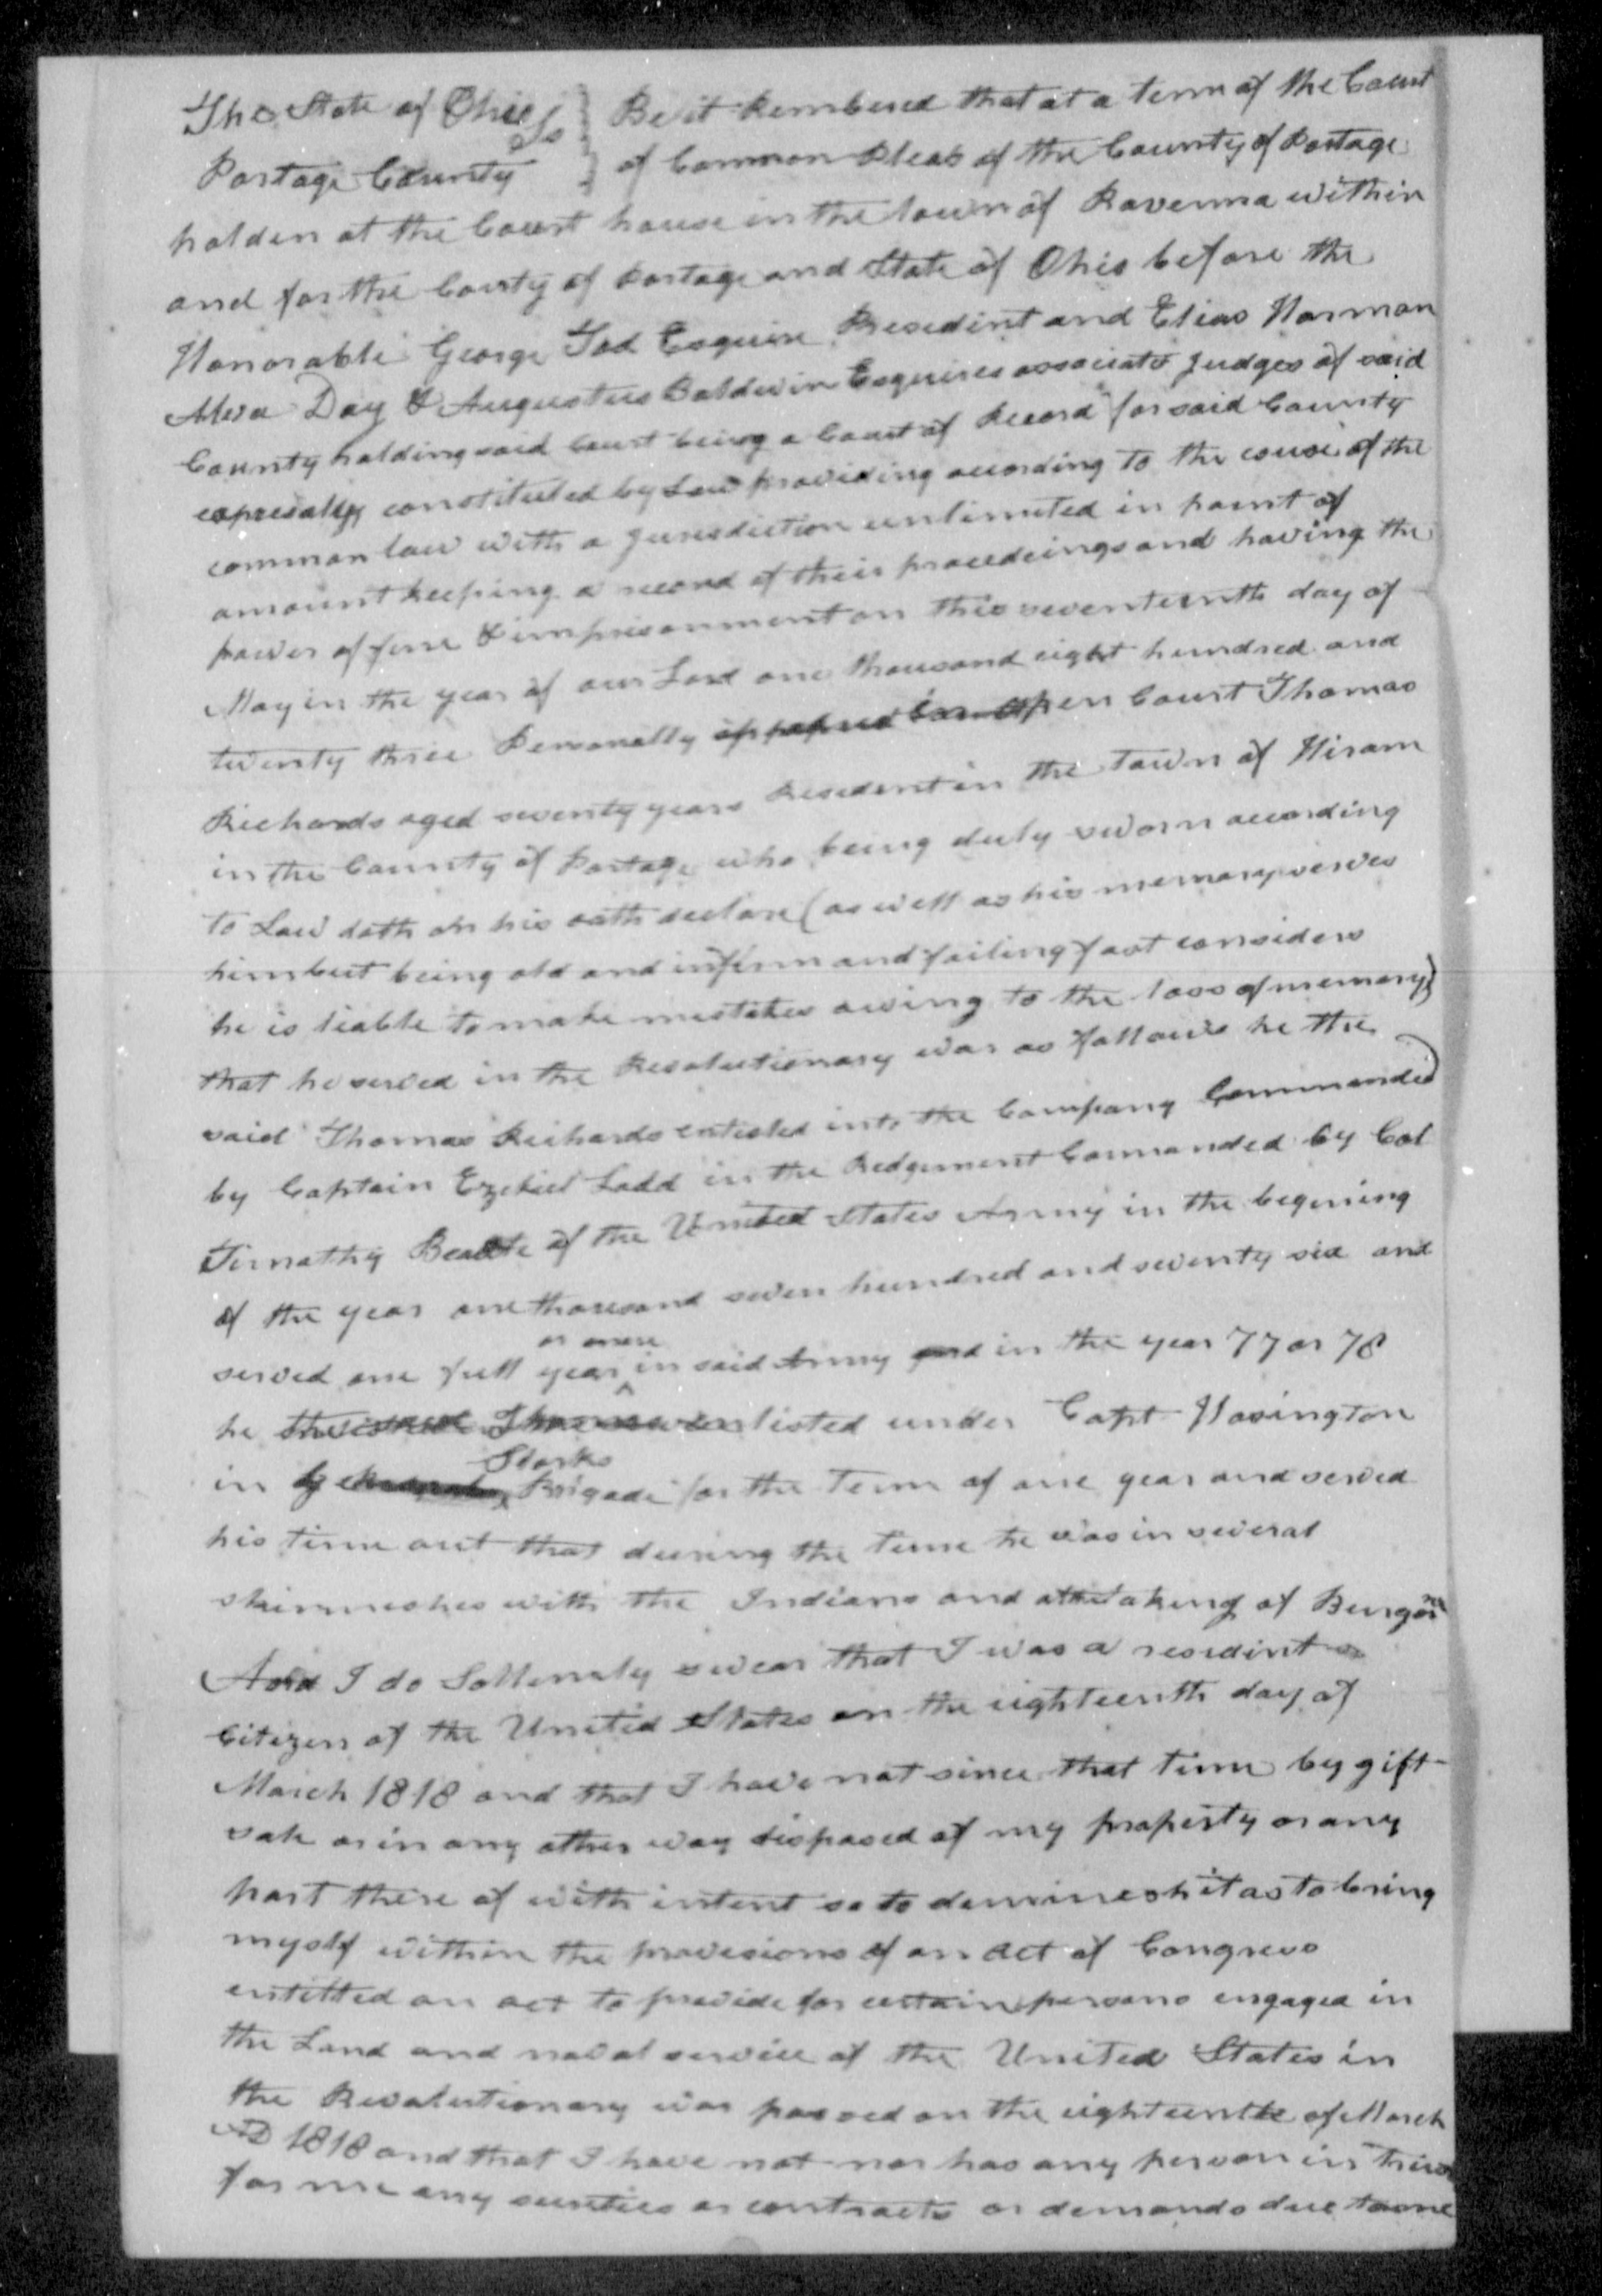The State of Ohio Portage County Ss} Be it known that a term of the Court of Common Pleas of the County of Portage holden at the Court house in the town of Ravenna within
and for the County of Portage and State of Ohio before the Honorable George Tod Esquire President and Elias Harman Alva Day & Augustus Baldwin Esquires associated Judges of said County holding said Court being a Court of Record for said County especially
constituted by Law providing according to the cause of the common law with a jurisdiction unlimited in point of amount & keeping a record of their procedeings [PROCEEDINGS] and having the power of fine & imprisonment on this seventeenth day of May in the year of our Lord one thousand eight hundred and
twenty three Personally appeared in open Court Thomas Richards aged seventy years
resident in the town of Hiram in the County of Portage who being duly sworn according to Law doth on his oath declare (as well as his memory serves him but being old and infirmed and failing fast considers he is liable to make mistakes owing to the loss of memory) that he served in the Revolutionary war as follows he the said Thomas Richards enlisted into the company commanded by Captain Ezekiel Ladd in the Regiment commanded by Col. [COLONEL] Timothy Beadle of the United States Army in the begining [BEGINNING] of the year one thousand seven hundred and seventy six and served one full year or more in said Army in the year [17]77 or [17]78
he enlisted under Capt [CAPTAIN] Hoisington
in Stark's Brigade for the term of one year and served his time out that during the time he was in several skirmishes with the Indians and at the taking of Burgoyne
And I do solemnly swear that I was a resident
citizen of the United States on the eighteenth day of March 1818 and that I have not since that time by gift sale or in any other way disposed of my property or any part there of [THEREOF] with intent so to diminish it as to bring myself within the provisions of an act of Congress entitled an act to provide for certain persons engaged in the Land and naval service of the United States in the Revolutionary war passed on the eighteenth of March AD 1818 and that I have not nor has any person in trust for me any sureties  or contracts or demands due to me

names: Elias Harmon; Augustus Baldwin; Timothy Beadle; Thomas Richards; Alva Day; Thomas Richards; George Tod; Ezekiel Ladd; [BLANK] Hosington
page: 30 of 109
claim: widow's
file: W. 5709, for Thomas Richards, New Hampshire